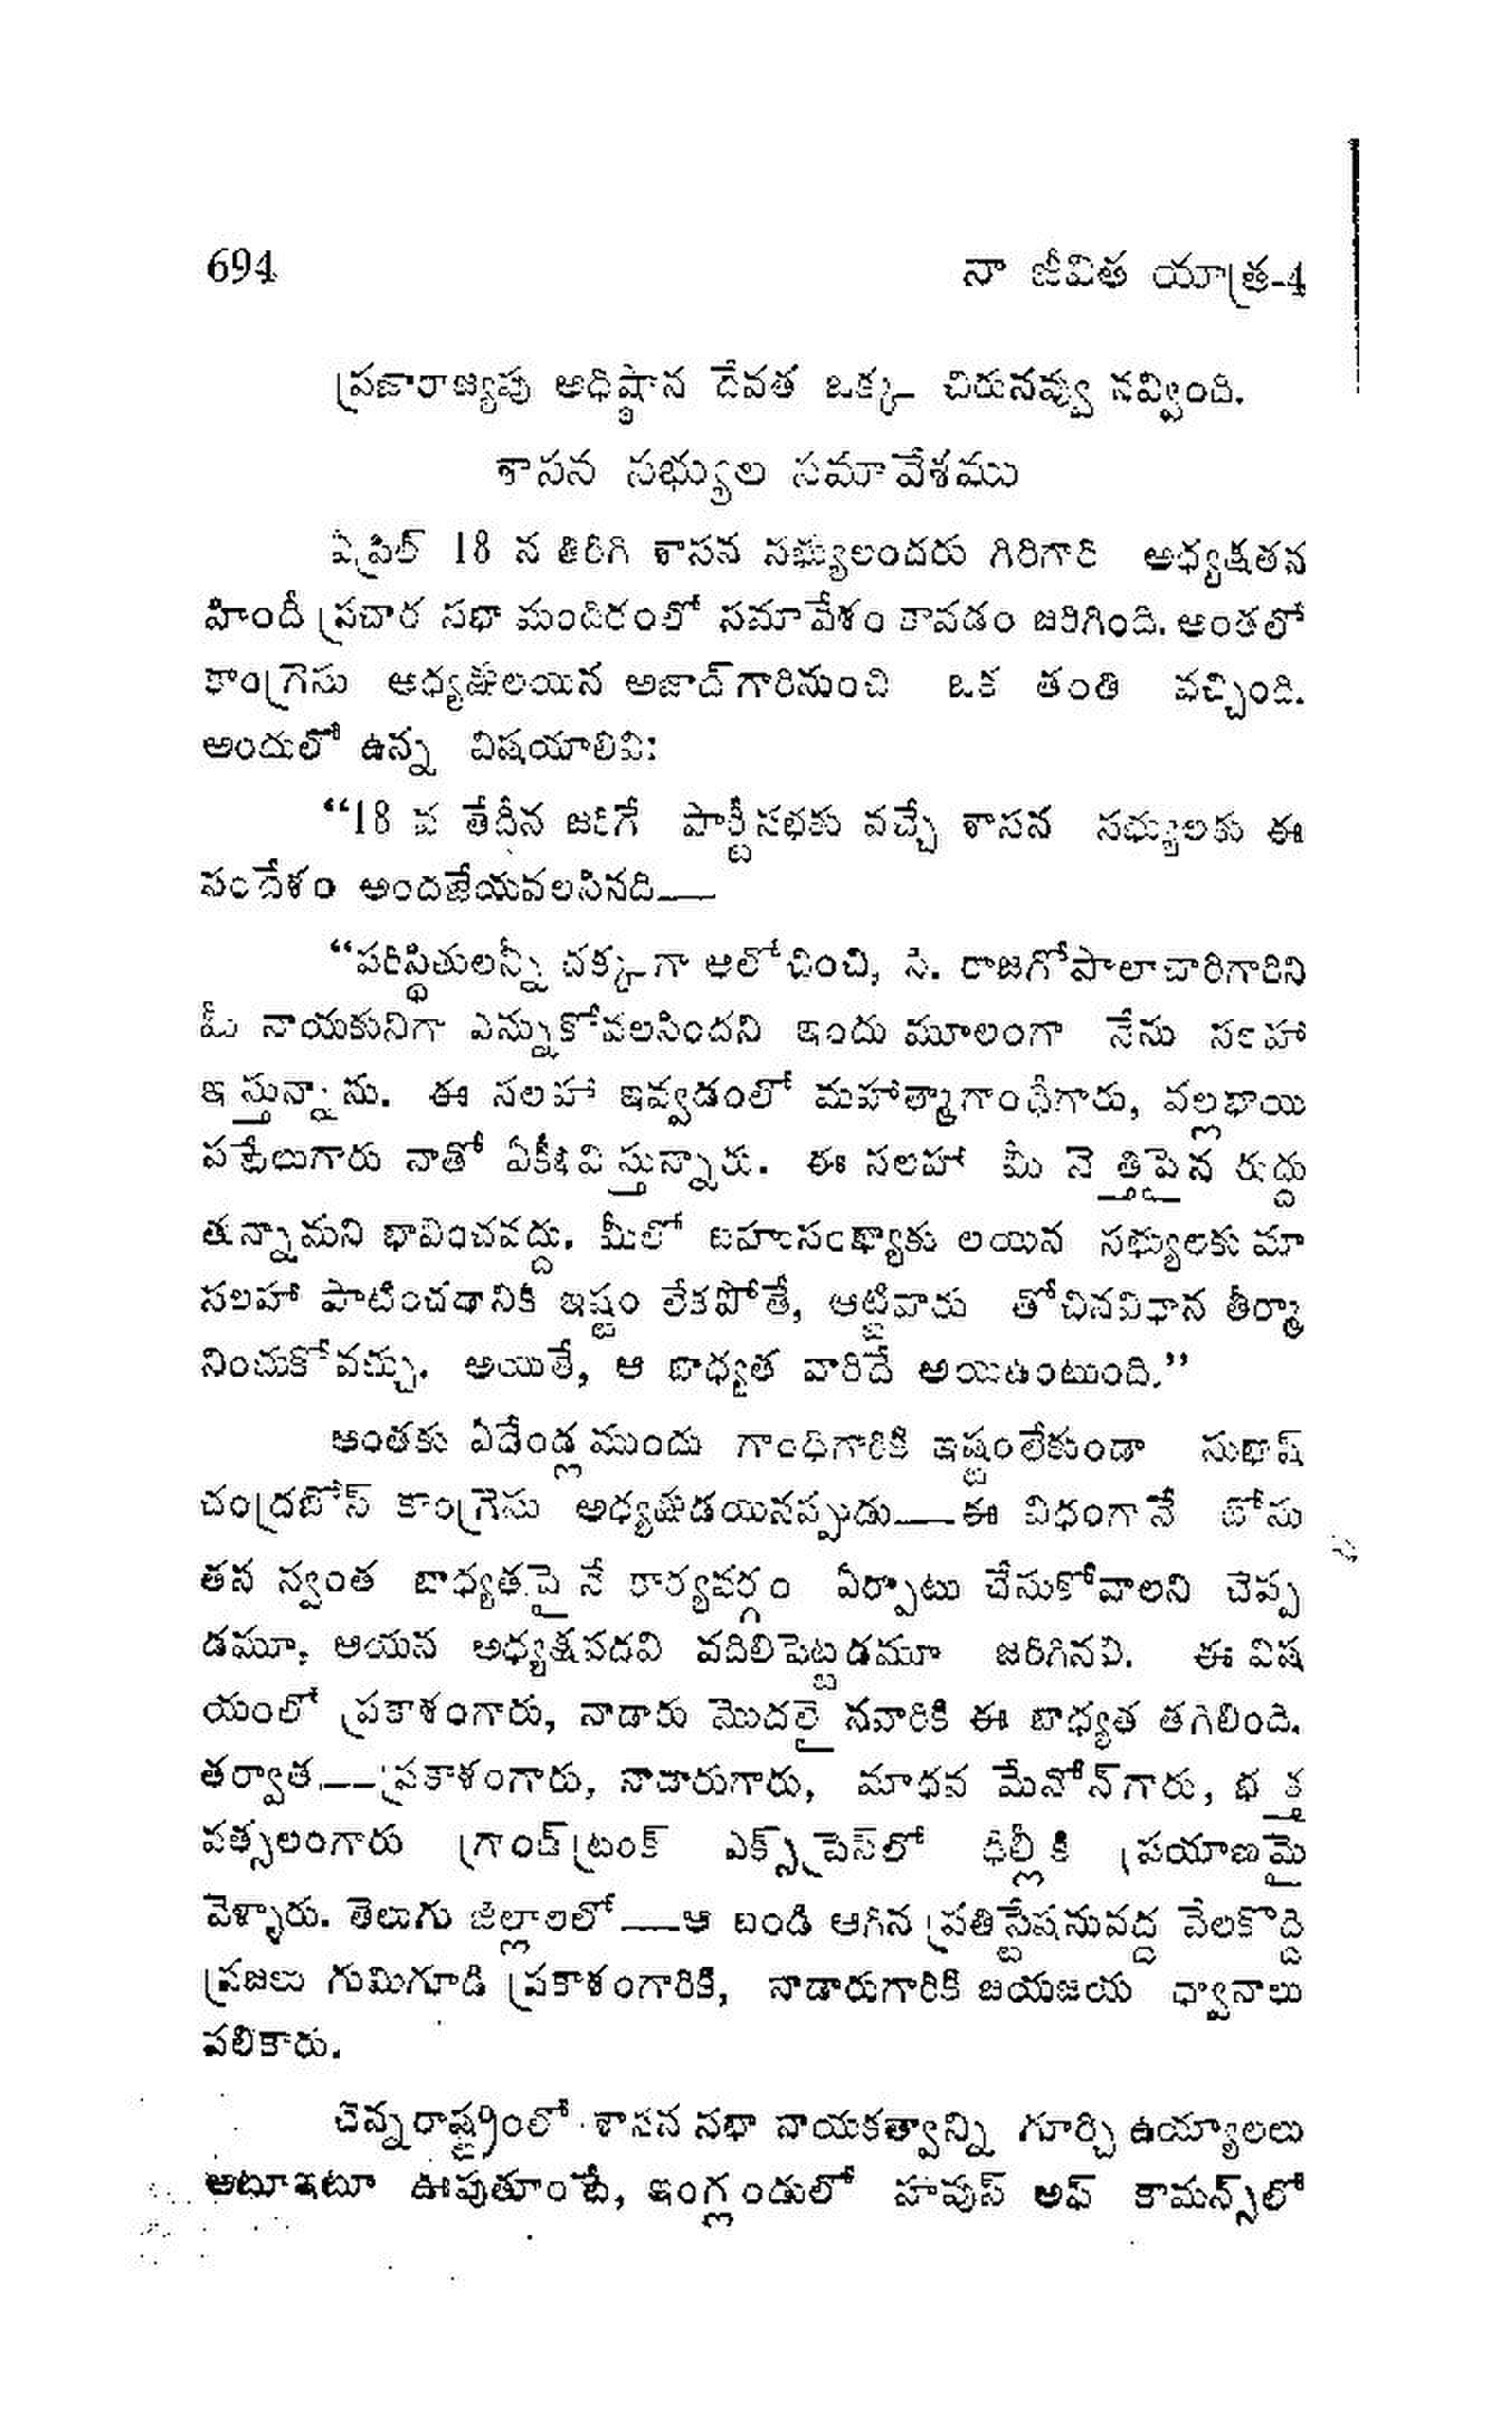ప్రజారాజ్యపు అధిష్ఠాన దేవత ఒక్క చిరునవ్వు నవ్వింది.

ఏప్రిల్ 18 న తిరిగి శాసన సభ్యులందరు గిరిగారి అధ్యక్షతన హిందీ ప్రచార సభా మందిరంలో సమావేశం కావడం జరిగింది. అంతలో కాంగ్రెసు అధ్యక్షులయిన ఆజాద్‌గారినుంచి ఒక తంతి వచ్చింది. అందులో ఉన్న విషయాలివి:

"18 వ తేదీన జరిగే పార్టీసభకు వచ్చే శాసన సభ్యులకు ఈ సందేశం అందజేయవలసింది -

"పరిస్థితులన్నీ చక్కగా ఆలోచించి, సి. రాజగోపాలాచారిగారిని మీ నాయకునిగా ఎన్నుకోవలసిందని ఇందు మూలంగా నేను సలహా ఇస్తున్నాను. ఈ సలహా ఇవ్వడంలో మహాత్మాగాంధీగారు, వల్లభాయి పటేలుగారు నాతో ఏకీభవిస్తున్నారు. ఈ సలహా మీ నెత్తిపైన రుద్దుతున్నామని భావించవద్దు. మీలో బహుసంఖ్యాకు లయిన సభ్యులకూ మా సలహా పాటించడానికి ఇష్టం లేకపోతే, అట్టివారు తోచినవిధాన తీర్మానించుకోవచ్చు. అయితే, ఆ భాధ్యత వారిదే అయిఉంటుంది."

అంతకు ఏడేండ్ల ముందు గాంధిగారికి ఇష్టంలేకుండా సుభాష్ చంద్రబోస్ కాంగ్రెస్ అధ్యక్షుడయినప్పుడు - ఈ విధంగానే బోసు తన స్వంత బాధ్యతపైనే కార్యవర్గం ఏర్పాటు చేసుకోవాలని చెప్పడమూ, ఆయన అధ్యక్షపదవి వదిలిపెట్టడమూ జరిగినవి. ఈ విషయంలో ప్రకాశంగారు, నాడారు మొదలైనవారికి ఈ బాధ్యత తగిలింది తర్వాత - ప్రకాశంగారు, నాడారుగారు, మాధవ మేనోన్‌గారు, భక్తవత్సలంగారు గ్రాండ్‌ట్రంక్ ఎక్స్‌ప్రెస్‌లో ఢిల్లీకి ప్రయాణమై వెళ్ళారు. తెలుగు జిల్లాలలో - ఆ బండి ఆగిన ప్రతిస్టేషనువద్ద వేలకొద్ది ప్రజలు గుమిగూడి ప్రకాశంగారికి, నాడారుగారికి జయజయ ధ్వానాలు పలికారు.

చెన్నరాష్ట్రంలో శాసన సభా నాయకత్వాన్ని గూర్చి ఉయ్యాలలు అటూ ఇటూ ఊపుతూంటే, ఇంగ్లండులో హవుస్ ఆఫ్ కామన్స్‌లో